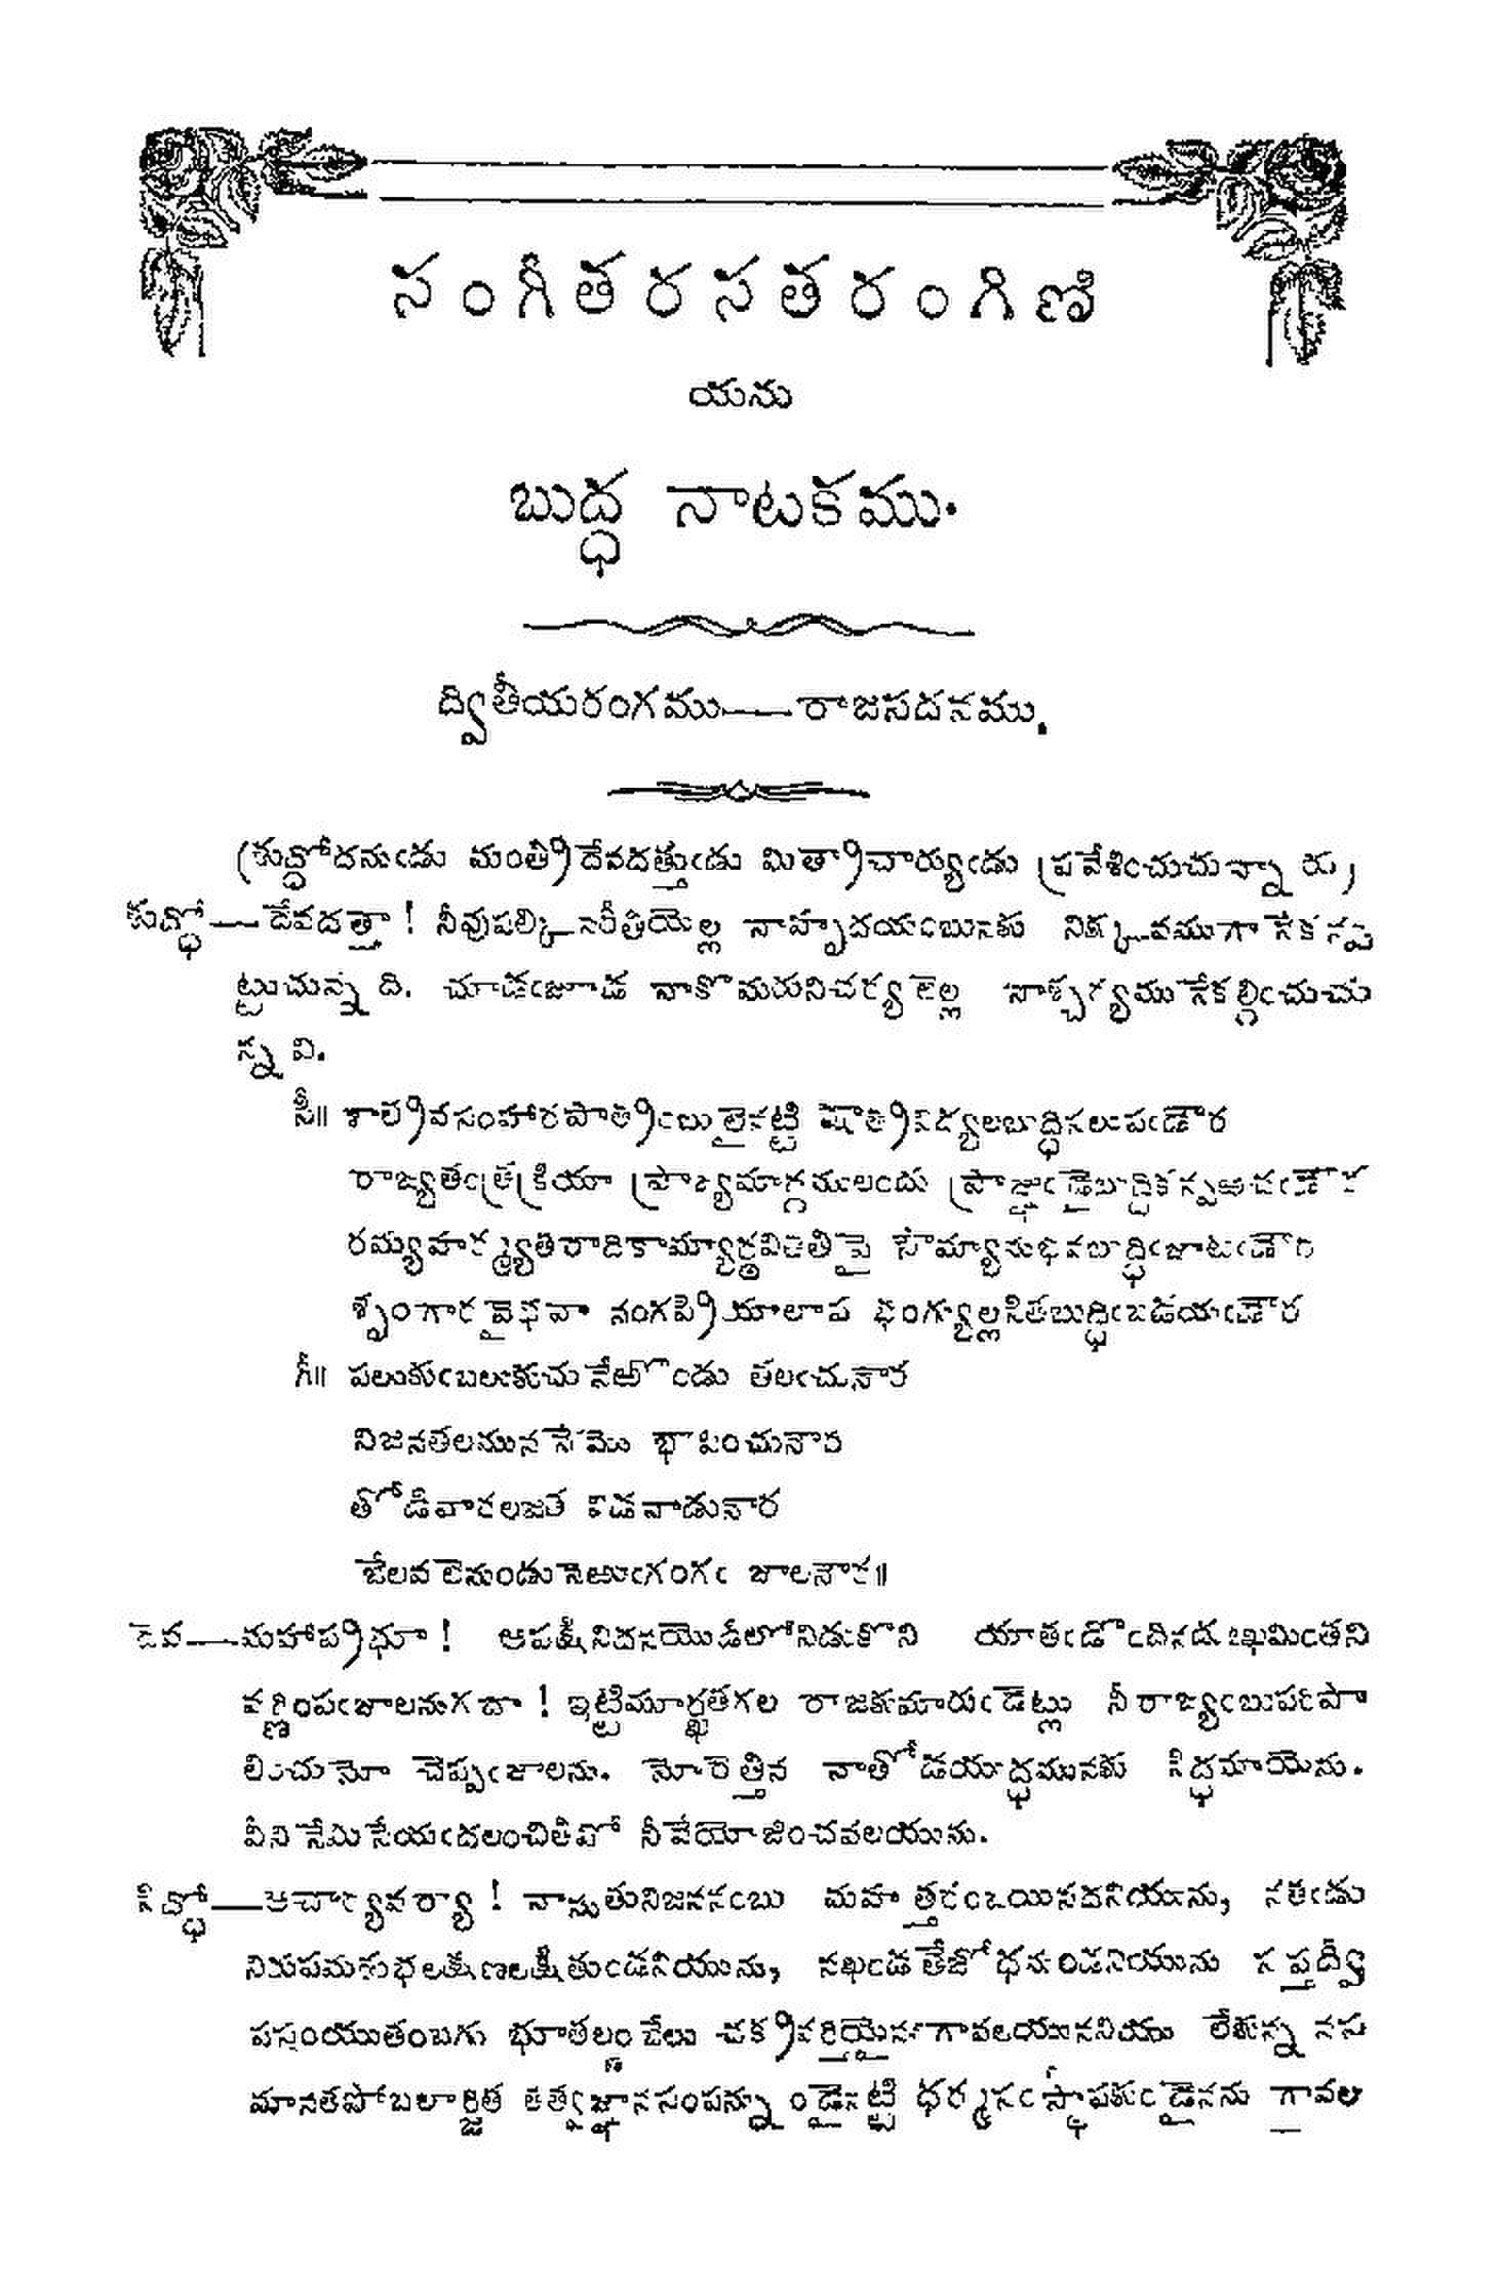శుద్దో - దేవదత్తా! నీవు పల్కినరీతీయెల్ల నాహృదయంబునకు నిక్కవముగానే కన్పట్టుచున్నది. చూడఁజూడ నా కొమరునిచర్యటెల్ల ::నాశ్చర్యమునే కల్గించుచున్నవి. 

సీ॥ కాత్రవసంహారపాత్రంబులైనట్టి పౌత్రవిద్యలబుద్దిసలుపఁడౌర 
రాజ్యతంత్రక్రియా ప్రాజ్యమార్గములందు ప్రాజ్ఞుఁడైబుద్ధికన్పఱచఁడౌర 
రమ్యహవ్మ్యతిరాది కామ్యార్థ వితితిపై సౌమ్యానుభవలబుద్ధిఁజాటడౌర 
శృంగారవైభవా నంగప్రియాలాప భంగ్యల్లసితబుద్ధిఁబడయఁడౌర 

గీ॥ పలుకుఁబలుకుచు వేఱొండు తలంచునౌర
నిజనతలముననేమొ భాపించునౌర
తోడివారలజత విడవాడునౌర 
బేలవలెనుండు సెఱుఁగంగఁ జాలనౌర  

దేవ - మహాప్రభూ! ఆపక్షినిదనయొడీలోనిడుకొని యాతఁడొఁదినదుఃఖమిఁతని వర్ణింపఁజాలనుగదా! ఇట్టి మూర్ఖతగల రాజకుమారుఁడెట్లు 
నీరాజ్యఁబు పరిపాలించుమో చెప్పఁజాలను. మోరెత్తిన నాతోడయుద్ధమునకు సిద్ధమాయెను. వీనినేమిసేయఁదలంచితివో నీవేయోజించ ::వలయును.

శుద్దో — ఆచార్యవర్యా! నాసుతునిజననంబు మహత్తరంబయినదనియును, నతఁడు నిరుపమశుభలక్షణలక్షితుందనియును, నఖండ 
తేజోధనుండనియును సప్తద్వీపసంయుతంబగు భూతలంబేలు చక్రవర్తియైనగావలయుననియు లేకున్న నసమానతపోబలార్జిత 
తత్వజ్ఞానసంపన్నుండైనట్టి ధర్మసంస్థాపకుఁడైనను గావల
-